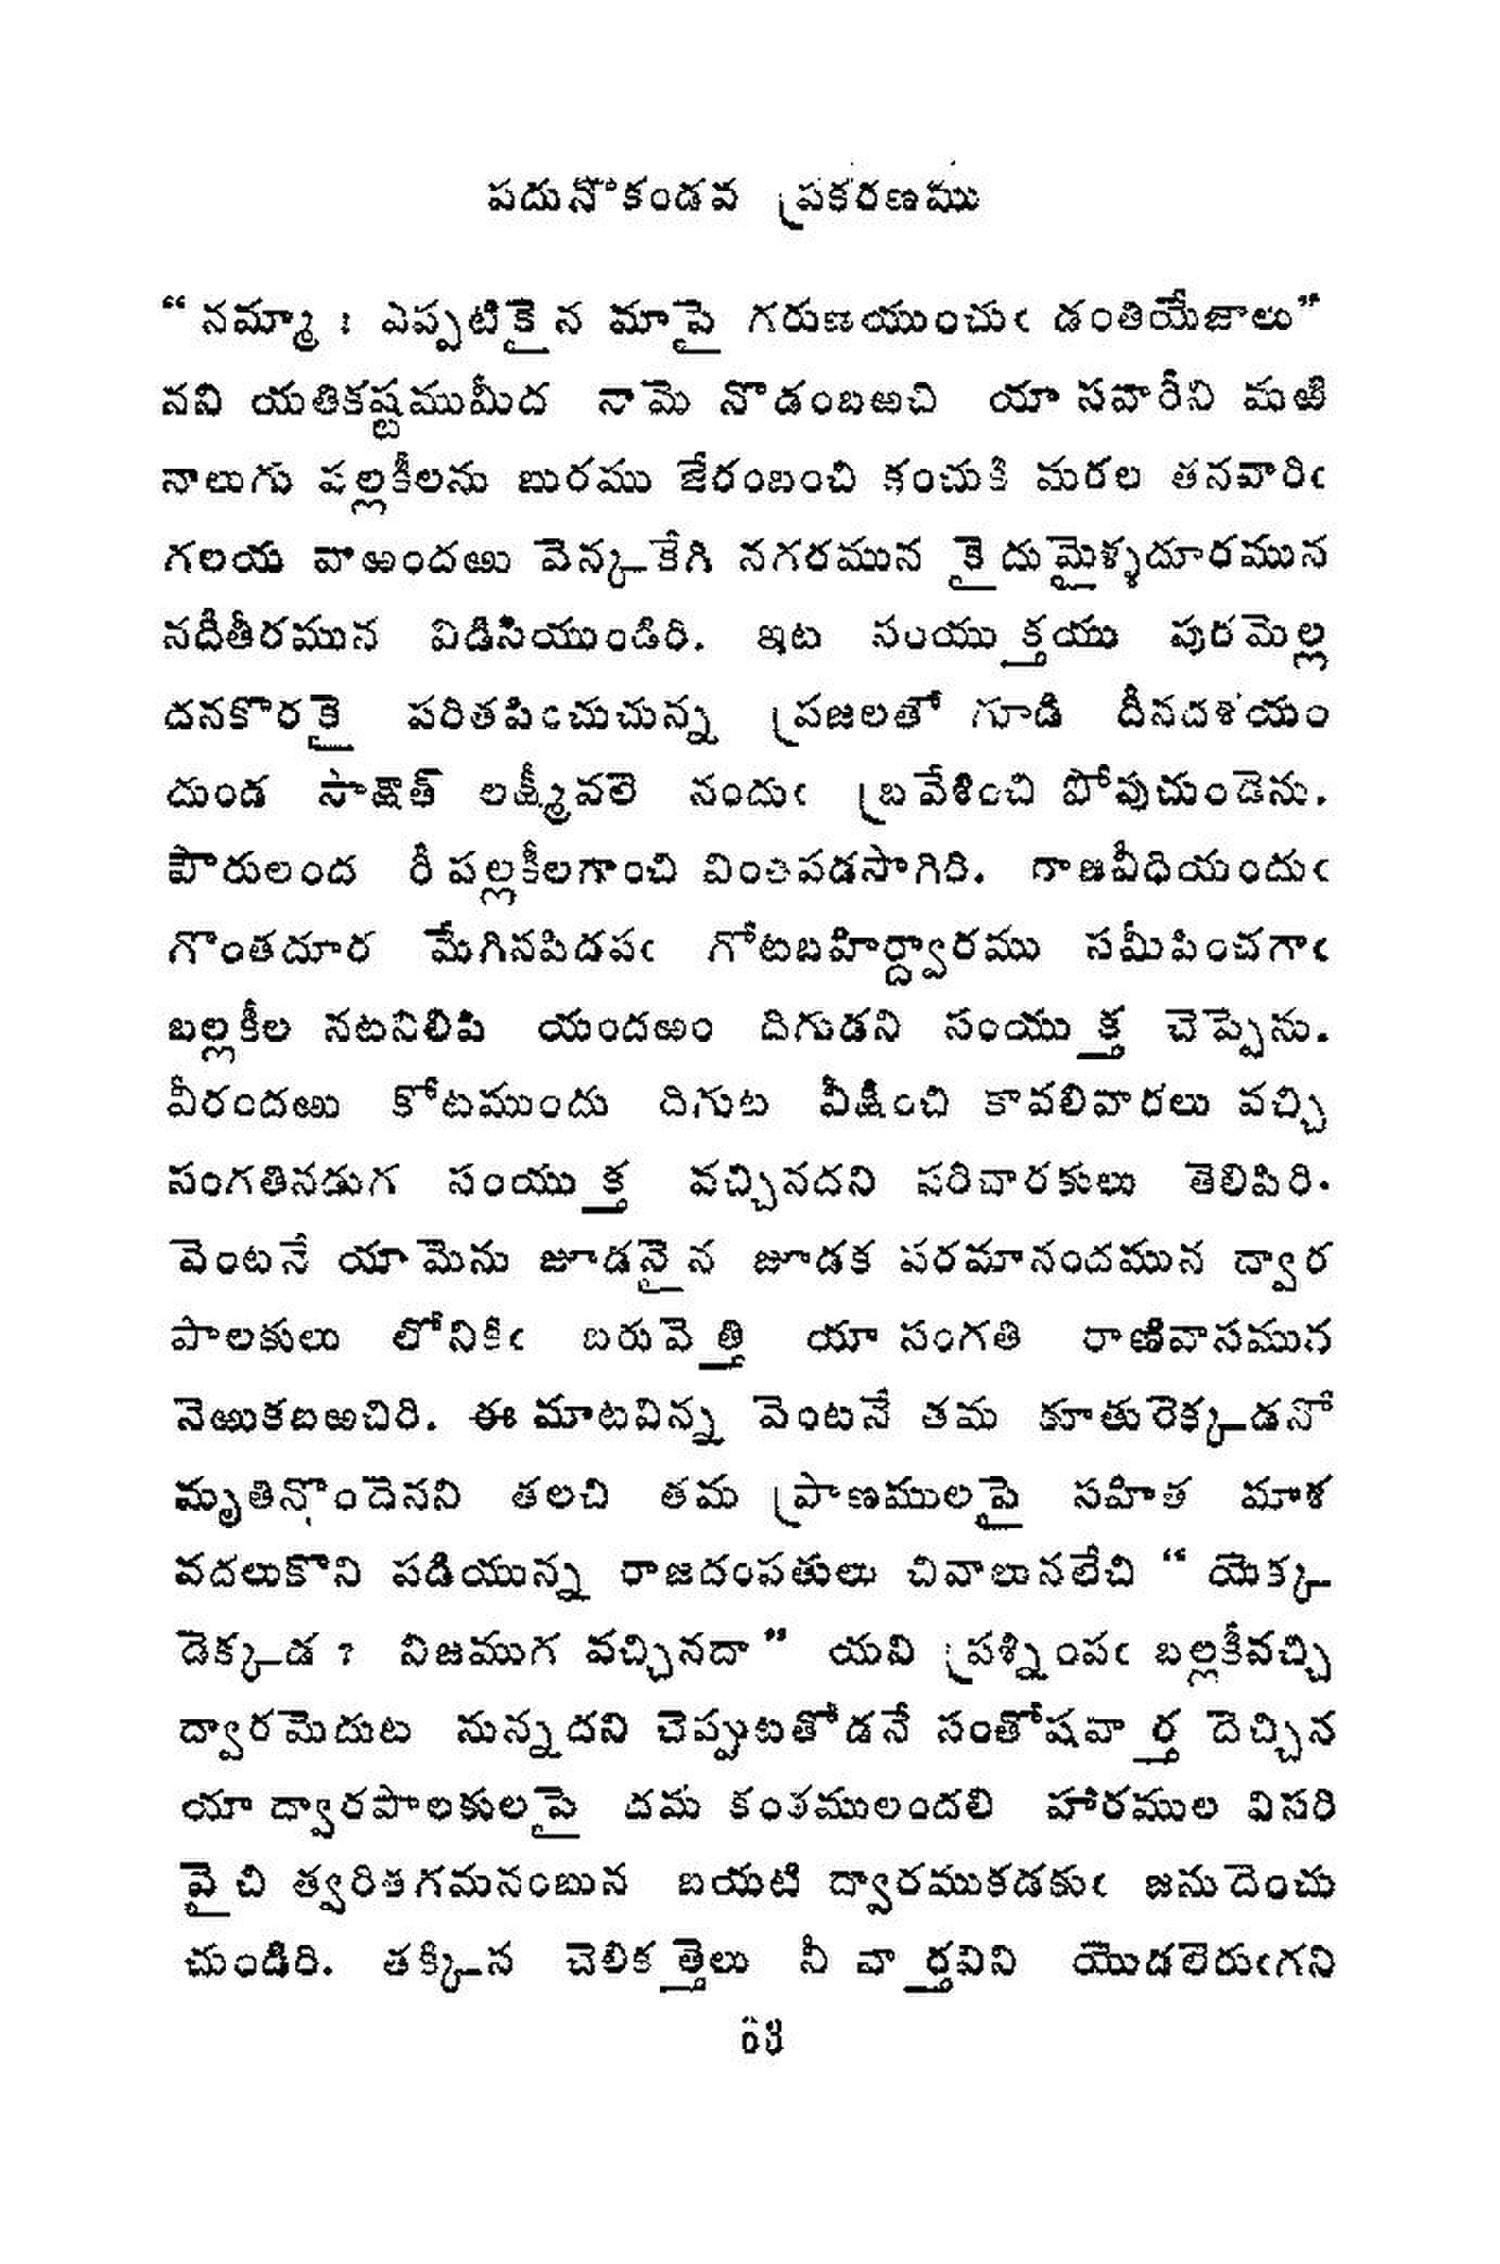"నమ్మా ! ఎప్పటికైన మాపై గరుణయుంచుఁ డంతియేజాలు" నని యతికష్టముమీద నామె నొడంబఱచి యా సవారీని మఱి నాలుగు పల్లకీలను బురము జేరంబంచి కంచుకి మరల తనవారిఁ గలయ వాఱందఱు వెన్కకేగి నగరమున కైదుమైళ్ళదూరమున నదీతీరమున విడిసియుండిరి. ఇట సంయుక్తయు పురమెల్ల దనకొరకై పరితపించుచున్న ప్రజలతో గూడి దీనదశయందుండ సాక్షాత్ లక్ష్మీవలె నందుఁ బ్రవేశించి పోవుచుండెను. పౌరులంద రీపల్లకీలగాంచి వింతిపడసాగిరి. రాజవీధియందుఁ గొంతదూర మేగినపిదపఁ గోటబహిర్ద్వారము సమీపించగాఁ బల్లకీల నటనిలిపి యందఱం దిగుడని సంయుక్త చెప్పెను. వీరందఱు కోటముందు దిగుట వీక్షించి కావలివారలు వచ్చి సంగతినడుగ సంయుక్త వచ్చినదని పరిచారకులు తెలిపిరి. వెంటనే యామెను జూడనైన జూడక పరమానందమున ద్వారపాలకులు లోనికిఁ బరువెత్తి యా సంగతి రాణివాసమున నెఱుకబఱచిరి. ఈ మాటవిన్న వెంటనే తమ కూతురెక్కడనో మృతినొందెనని తలచి తమ ప్రాణములపై సహిత మాశవదలుకొని పడియున్న రాజదంపతులు చివాలునలేచి " యెక్క డెక్కడ ? నిజముగ వచ్చినదా " యని ప్రశ్నింపఁ బల్లకీవచ్చి ద్వారమెదుట నున్నదని చెప్పుటతోడనే సంతోషవార్త దెచ్చిన యా ద్వారపాలకులపై దమ కంఠములందలి హారముల విసరివైచి త్వరిత గమనంబున బయటి ద్వారముకడకుఁ జనుదెంచు చుండిరి. తక్కిన చెలికత్తెలు నీ వార్తవిని యొడలెరుఁగని